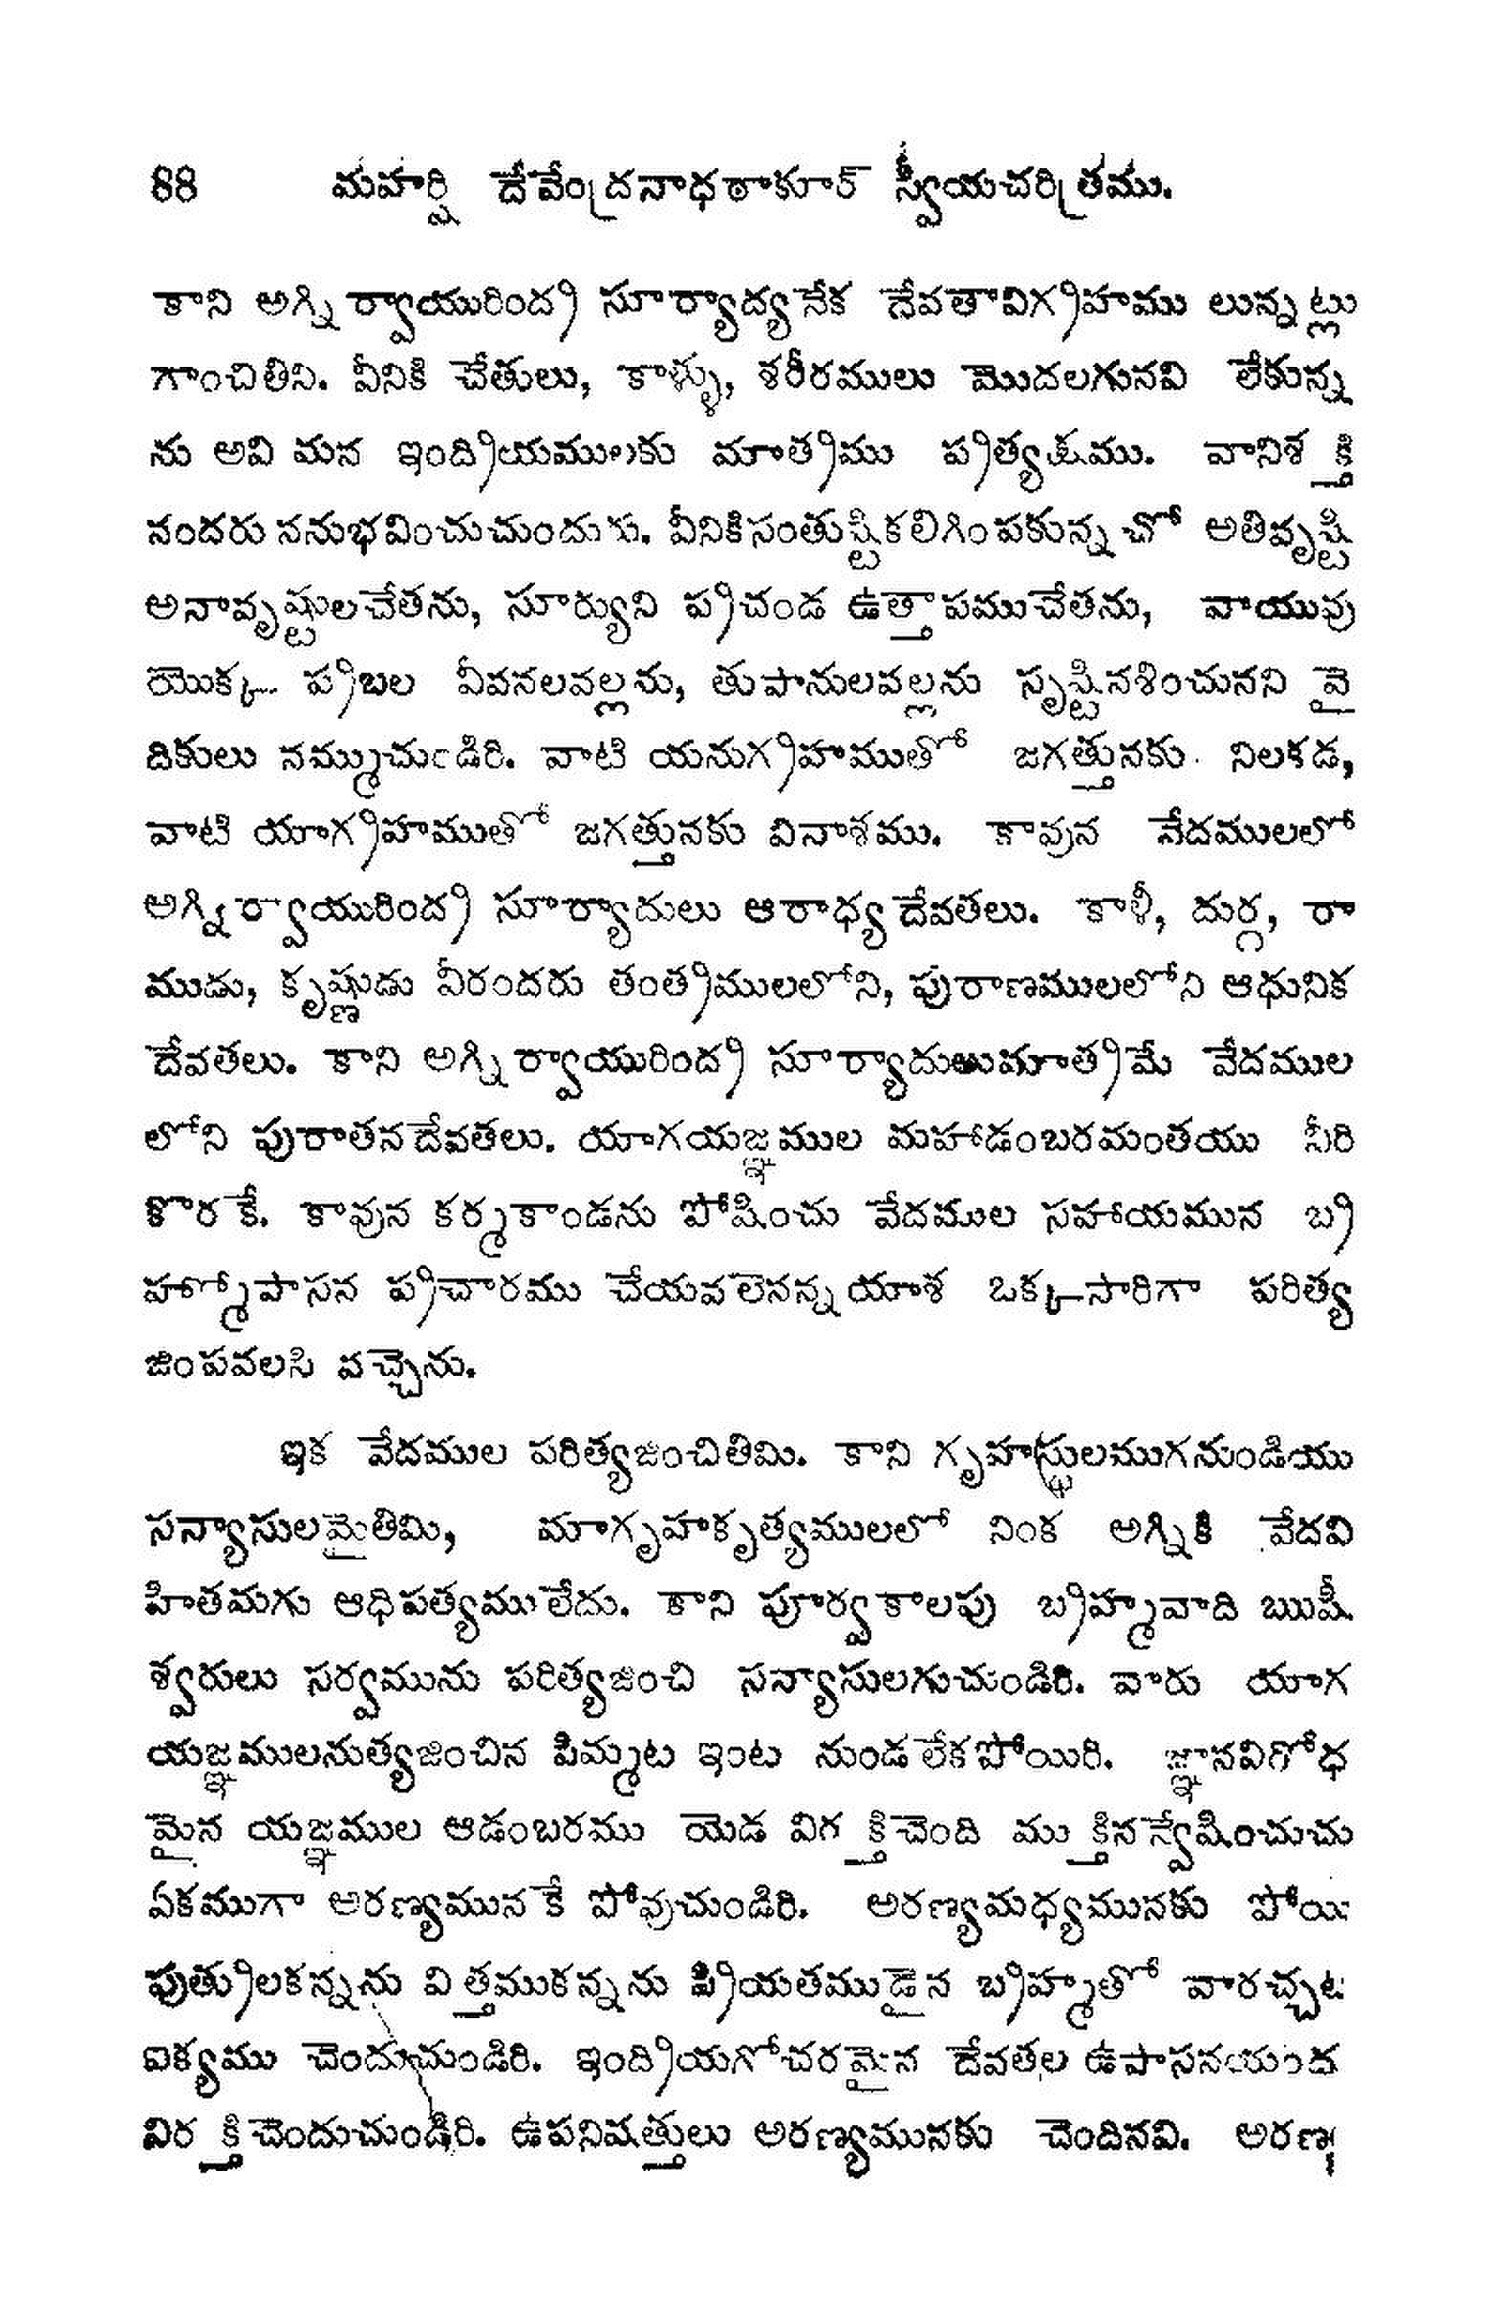కాని అగ్నిర్వాయురింద్ర సూర్యాద్య నేక దేవతా విగ్రహములున్నట్లు
గాంచితిని. దీనికి చేతులు, కాళ్ళు, శరీరములు మొదలగునవి లేకున్నను
అవి మన ఇంద్రియములకు మాత్రము ప్రత్యక్షము. వానిశ్చక్తి
నందరు ననుభవించు చుందురు. దీనికి సంతుష్టి కలిగింపకున్నచో 
అతివృష్టి అనావృష్టుల చేతను, సూర్యుని ప్రచండ ఉత్తాపము చేతను, 
వాయువు యొక్క.. ప్రబల వీవనలవల్లను, తుపానుల వల్లను సృష్టి 
నశించునని వైదికులు నమ్ముచుఁడిరి.'నాటి యనుగ్రహముతో జగత్తునకు. 
నిలకడ, వాటి యూగ్రహముతో జగత్తునకు వినాశము. కావున వేదములలో
అగ్నిర్వాయుగంద సూర్యాదులు ఆరాధ్య దేవతలు. కాళీ, దుర్గ, 
రాముడు, కృష్ణుడు వీరందరు తంత్రములలోని, పురాణములలోని 
ఆధునిక దేవతలు. కాని అగ్ని ర్వాయురించి సూర్యాదులు మాత్రమే 
వేదముల లోని పురాతన దేవతలు. యాగయజ్ఞముల మహాడంబర
మంతయు వీరికొరకే. కావున కర్మకాండను పోషించు 'వేదముల 
సహాయమున బ్రహ్మోపాసన ప్రచారము చేయవలెనన్న యాశ ఒక్క
సారిగా పరిత్యజింపవలసి వచ్చెను.

ఇక వేదముల పరిత్యజించితిమి. కానీ గృహస్థులముగ నుండియు
సన్యాసుల మైతిమి, మాగృహకృత్యములలో నింక అగ్నికి వేదవి
హితమగు ఆధిపత్యము లేదు. కాని పూర్వ కాలపు బాహ్మవాది
ఋషీ,శ్వరులు సర్వమును పరిత్యజించి సన్యాసులగు చుండిరి. 
వారు యాగయజ్ఞములను త్యజించిన పిమ్మట ఇంట నుండ లేక 
పోయిరి. జ్ఞానవిరోధమైన యజ్ఞముల ఆడంబరము యెడ విరక్తి చెంది ముక్తిన న్వేషించుచు ఏకముగా ఆరణ్యమునకే పోవుచుండిరి. అరణ్య మధ్యమునకు 
పోయి పుత్రులకన్నను విత్తముకన్నను ప్రియతముడైన బ్రాహ్మతో 
వారచ్చట ఐక్యము చెందుచుండిరి. ఇందియ గోచరమైన దేవతల 
ఉపాసనఁయందు విరక్తి చెందుచుండిరి. ఉపనిషత్తులు అరణ్యమునకు 
చెందినవి. అరణ్య